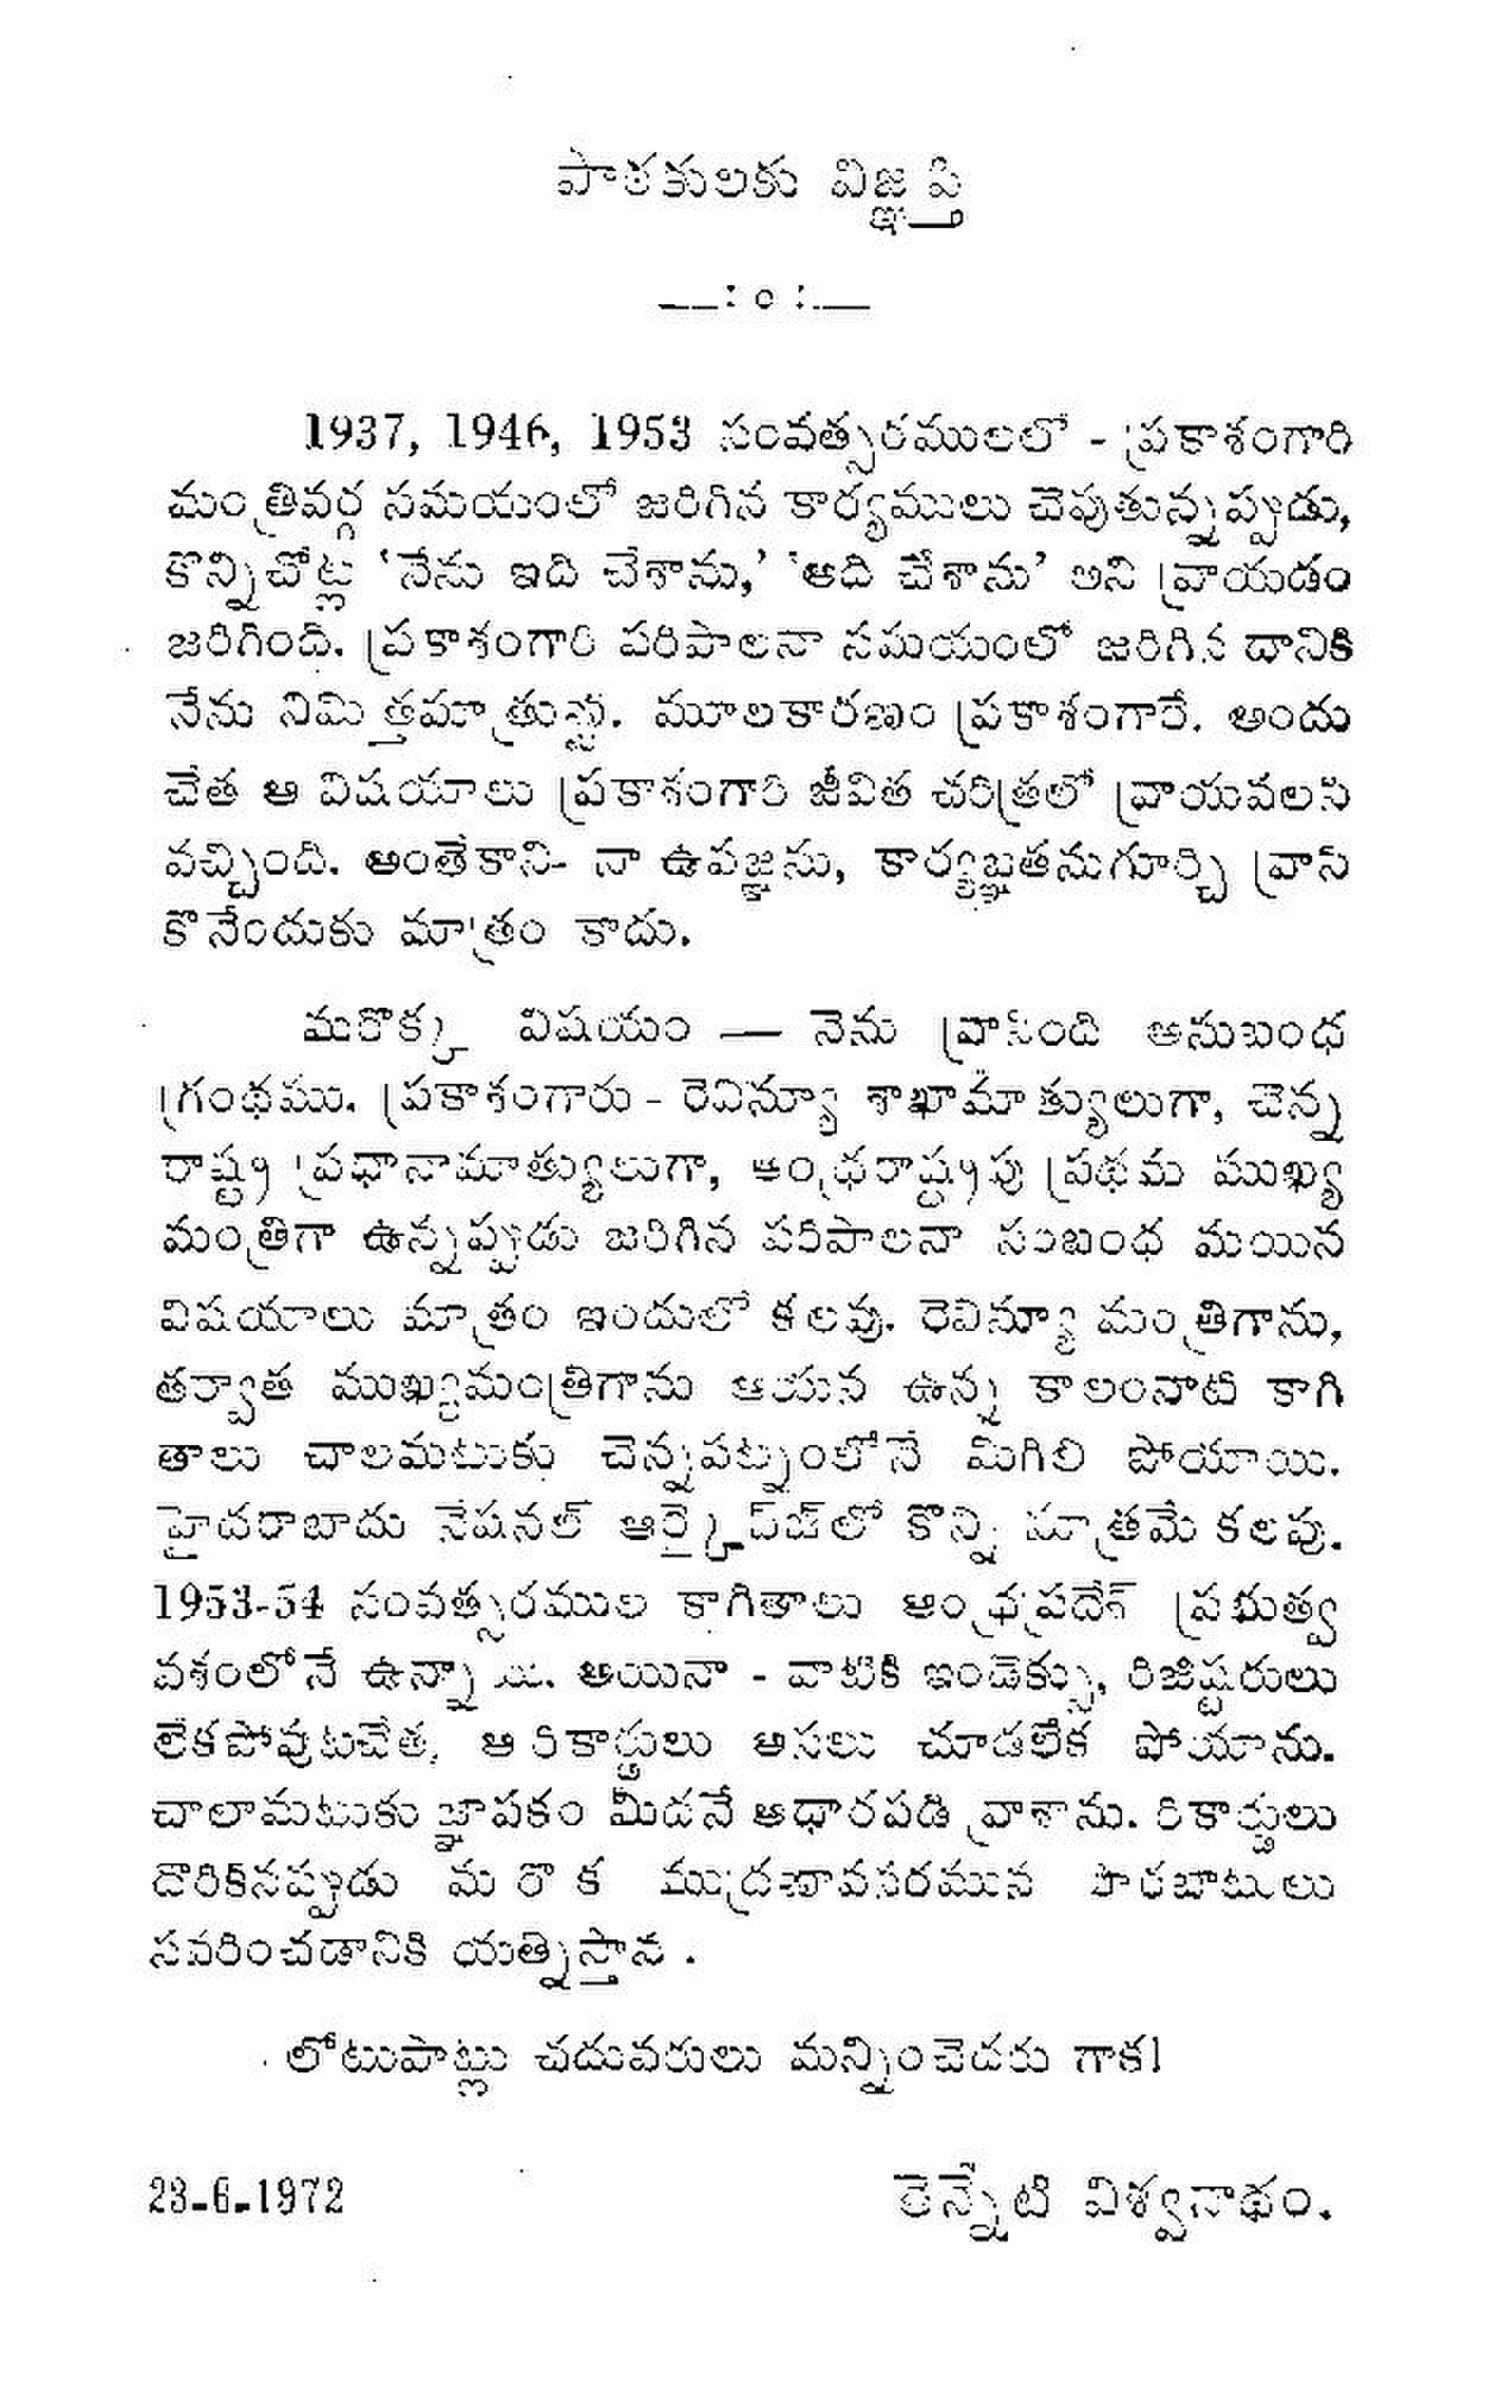1937, 1946, 1953 సంవత్సరములలో - ప్రకాశంగారి మంత్రివర్గ సమయంలో జరిగిన కార్యములు చెపుతున్నప్పుడు, కొన్నిచోట్ల 'నేను ఇది చేశాను,' 'అది చేశాను' అని వ్రాయడం జరిగింది. ప్రకాశంగారి పరిపాలనా సమయంలో జరిగిన దానికి నేను నిమిత్తమాత్రుణ్ణి. మూలకారణం ప్రకాశంగారే. అందుచేత ఆ విషయాలు ప్రకాశంగారి జీవిత చరిత్రలో వ్రాయవలసి వచ్చింది. అంతేకాని - నా ఉపజ్ఞను, కార్యజ్ఞతనుగూర్చి వ్రాసికొనేందుకు మాత్రం కాదు.

మరొక్క విషయం - నేను వ్రాసింది అనుబంధ గ్రంథము. ప్రకాశంగారు - రెవిన్యూ శాఖామాత్యులుగా, చెన్నరాష్ట్ర ప్రధానామాత్యులుగా, ఆంధ్రరాష్ట్రపు ప్రథమ ముఖ్య మంత్రిగా ఉన్నప్పుడు జరిగిన పరిపాలనా సంబంధ మయిన విషయాలు మాత్రం ఇందులో కలవు. రెవిన్యూ మంత్రిగాను, తర్వాత ముఖ్యమంత్రిగాను ఆయన ఉన్న కాలంనాటి కాగితాలు చాలమటుకు చెన్నపట్నంలోనే మిగిలి పోయాయి. హైదరాబాదు నేషనల్ ఆర్కైప్‌జ్‌లో కొన్ని మాత్రమే కలవు. 1953 - 54 సంవత్సరముల కాగితాలు ఆంధ్రప్రదేశ్ ప్రభుత్వ వశంలోనే ఉన్నాయి. అయినా - వాటికి ఇండెక్సు, రిజిష్టరులు లేకపోవుటచేత, ఆ రికార్డులు అసలు చూడలేక పోయాను. చాలామటుకు జ్ఞాపకం మీదనే ఆధారపడి వ్రాశాను. రికార్డులు దొరికినప్పుడు మరొక ముద్రణావసరమున పొరబాటులు సవరించడానికి యత్నిస్తాన.

లోటుపాట్లు చదువరులు మన్నించెదరు గాక!

తెన్నేటి విశ్వనాథం.
23 - 6 - 1972